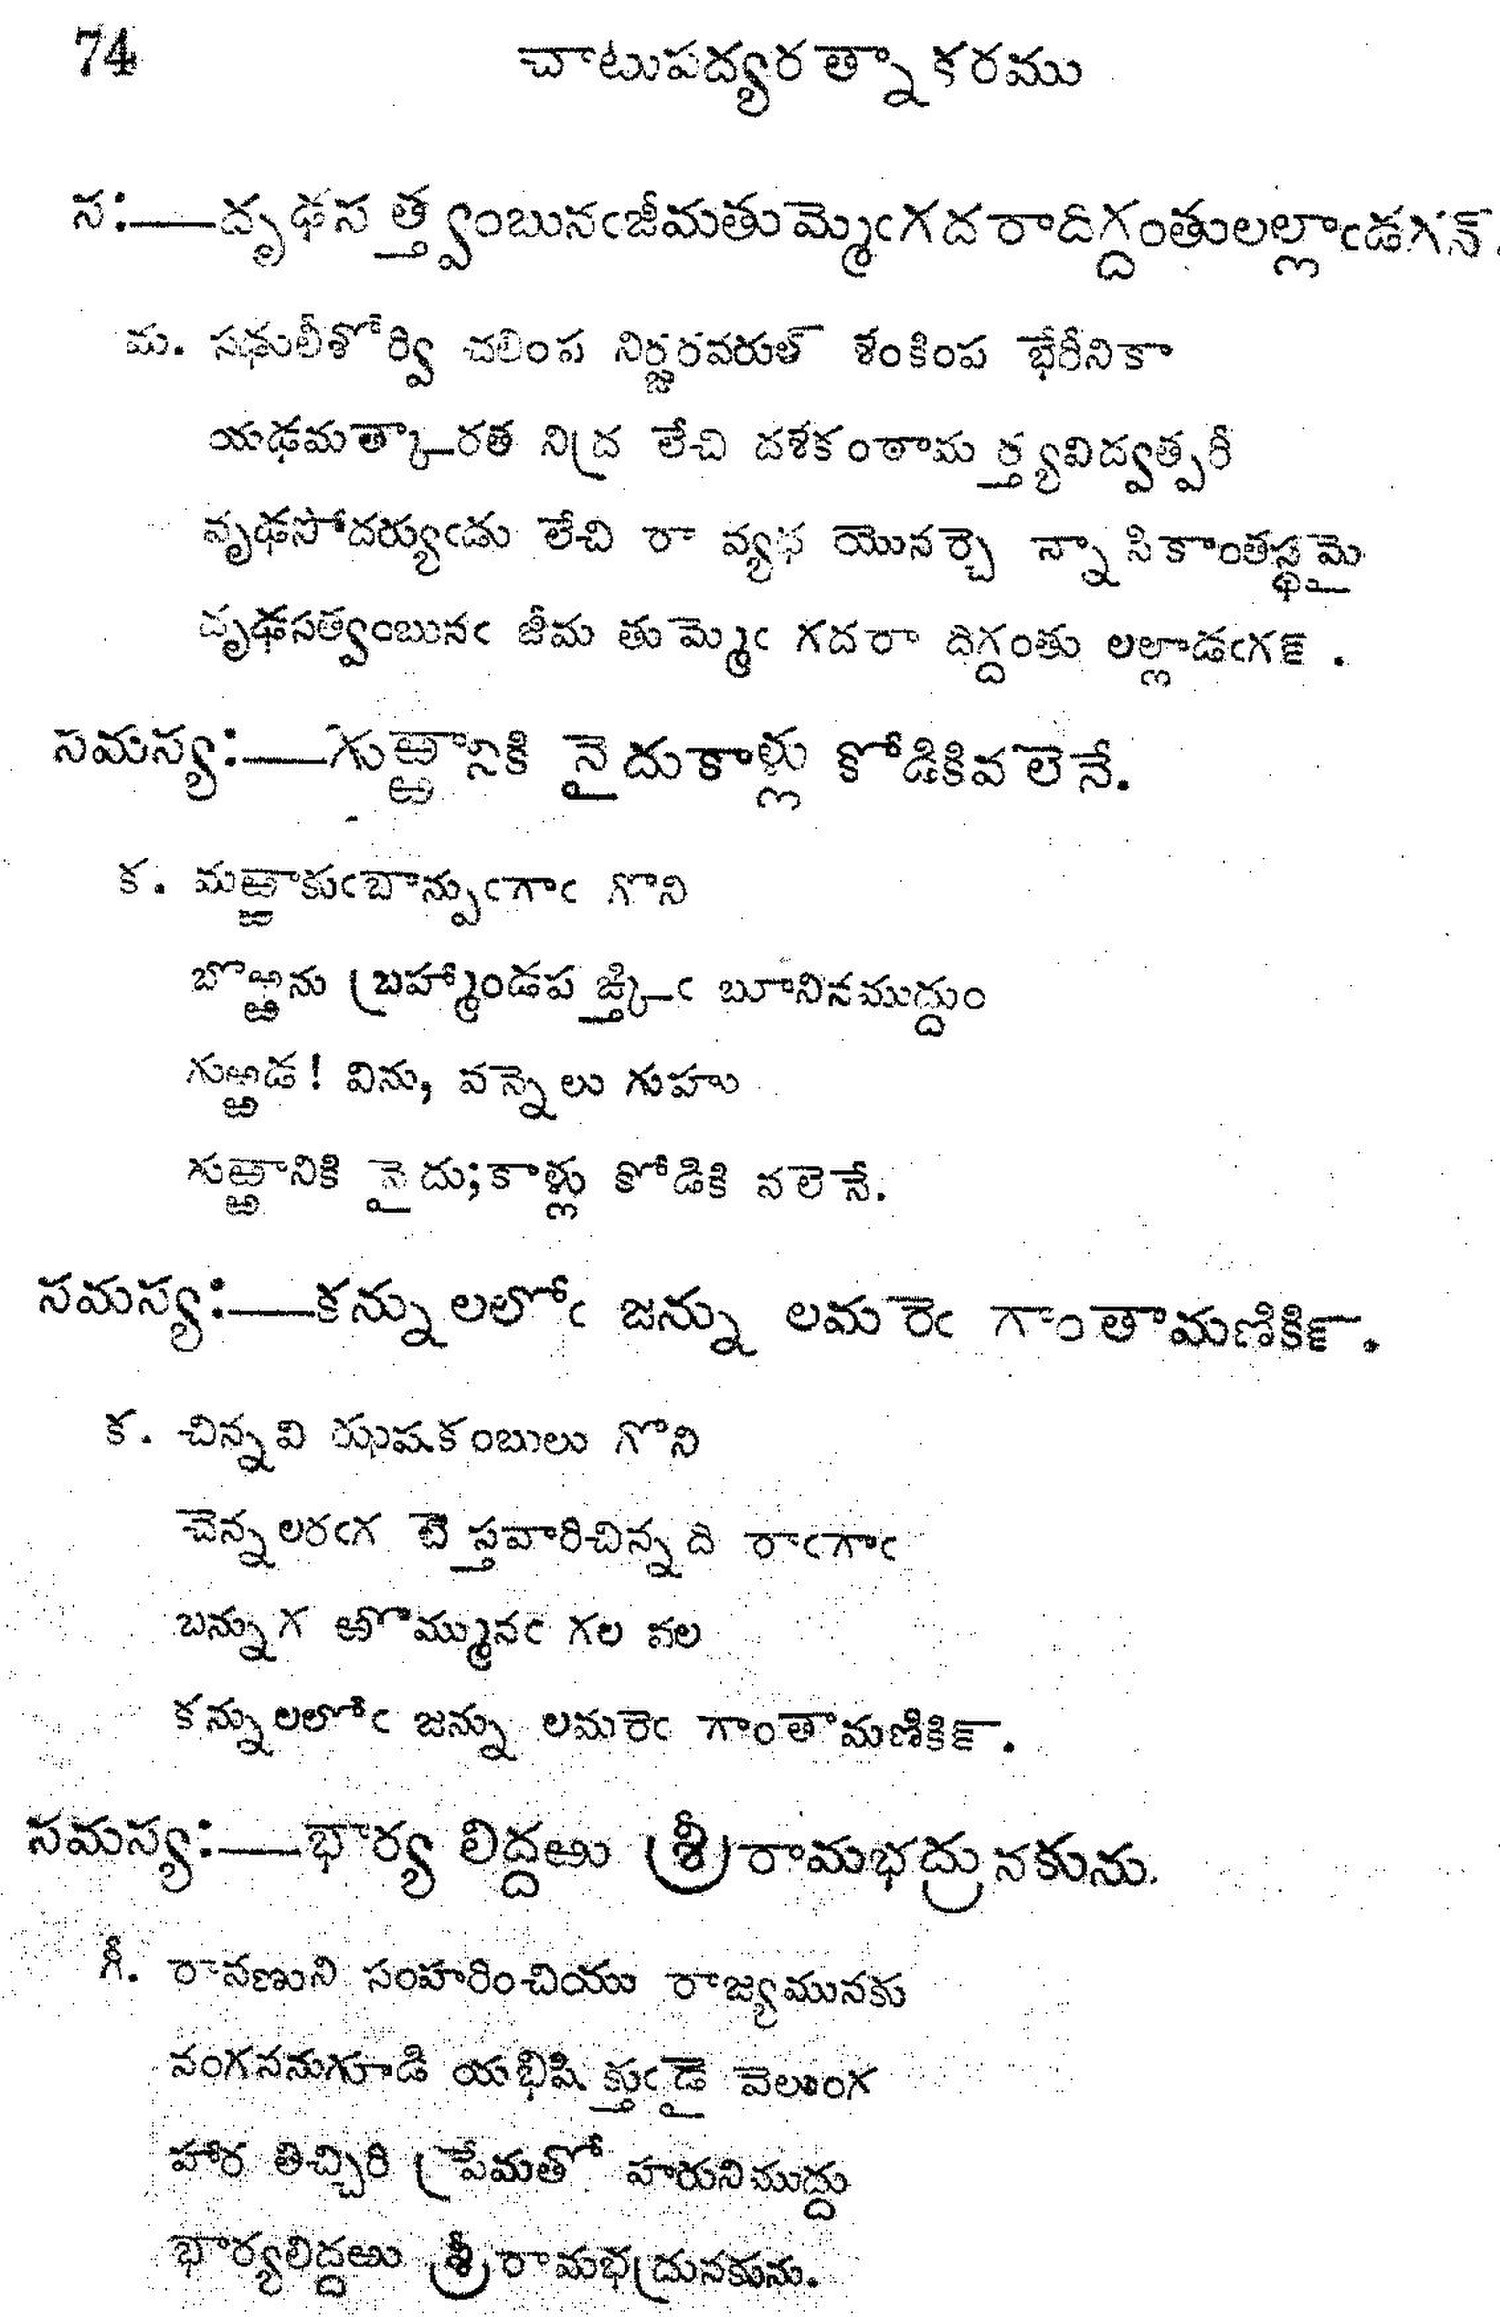సమస్య:—దృఢసత్త్వంబునఁ జీమ తుమ్మెఁ గదరా దిగ్దంతు లల్లాఁడగన్

మ. సఢులీశోర్వి చలింప నిర్జరవరుల్ శంకింప భేరీనికా
 యఢమత్కారత నిద్ర లేచి దశకంఠామర్త్యవిదవత్పరీ
 వృఢసోదర్యుఁడు లేచి రా వ్యథ యొనర్చె న్నాసికాంతస్థమై
 దృఢసత్త్వంబునఁ జీమ తుమ్మెఁ గదరా దిగ్దంతు లల్లాఁడగన్

సమస్య:—గుఱ్ఱానికి నైదుకాళ్ళు కోడికివలెనే

క. మఱ్ఱాకుఁ బాన్పుఁగాఁ గొని
 బొఱ్ఱను బ్రహ్మాండపఙ్క్తిఁ బూనినముద్దుం
 గుఱ్ఱడ! విను, వన్నెలు గుహు
 గుఱ్ఱానికి నైదు; కాళ్ళు కోడికివలెనే.

సమస్య:—కన్నులలోఁ జన్ను లమరెఁ గాంతామణికిన్

క. చిన్నవి ఝషకంబులు గొని
 చెన్నలరఁగ బెస్తవారిచిన్నది రాఁగాఁ
 బన్నుగ ఱొమ్మునఁ గల వల
 కన్నులలోఁ జన్ను లమరెఁ గాంతామణికిన్.

సమస్య:—భార్య లిద్దఱు శ్రీరామభద్రునకును

గీ. రావణుని సంహరించియు రాజ్యమునకు
 నంగనను గూడి యభిషిక్తుఁడై వెలుంగ
 హార తిచ్చిర ప్రేమతో హరునిముద్దు
 భార్యలిద్దఱు శ్రీరామభద్రునకును.